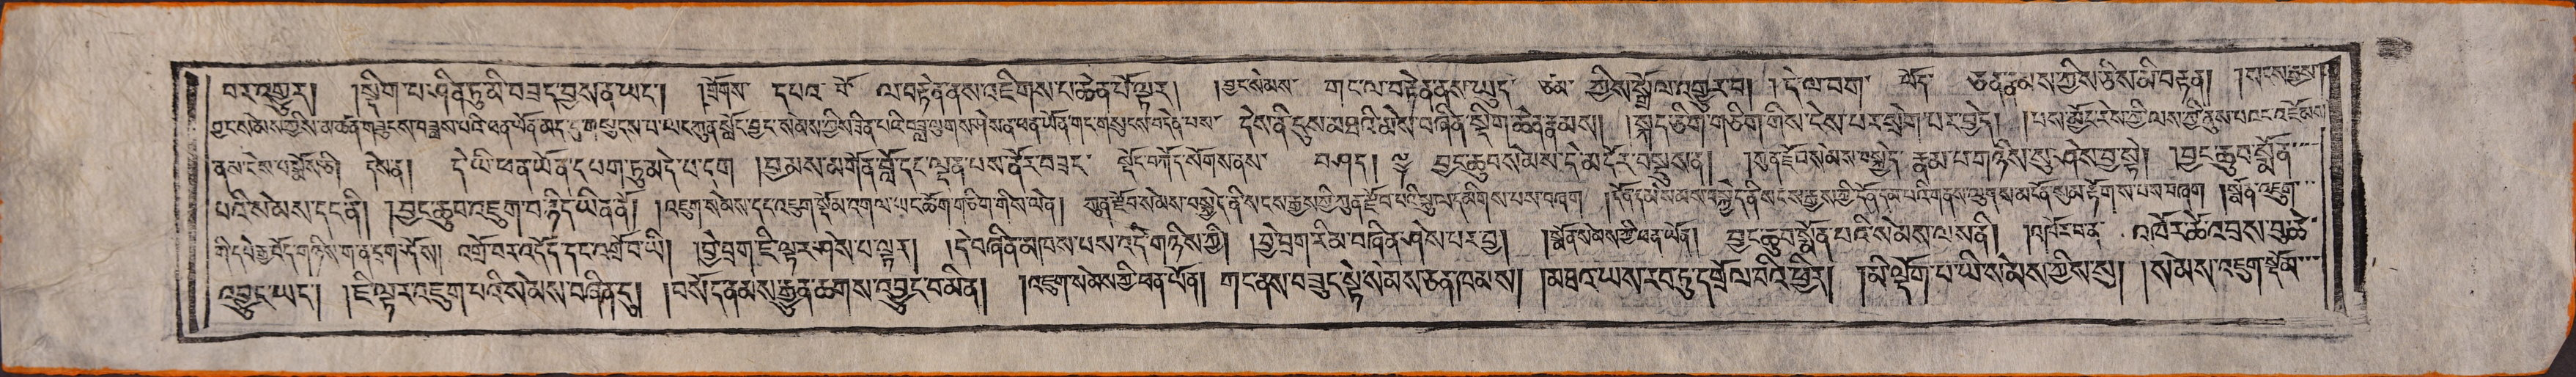བར་འགྱུར། །སྡིག་པ་ཤིན་ཏུ་མི་བཟད་བྱས་ན་ཡང་། །ཕྲོགས་དཔའ་བོ་ལ་བརྟེན་ནས་འཇིགས་པ་ཆེན་པོ་ལྟར། །བྱང་སེམས་གང་ལ་བརྟེན་ནས་ཡུད་ཅམ་ཀྱིས་སྒྲོལ་འགྱུར་བ། །དེ་ལ་པག་ཡོད་ཅན་རྣམས་ཀྱིས་ཅིས་མི་བརྟེན། །སངས་རྒྱས་བྱང་སེམས་གྱི་
མཚན་གཟུངས་བཟླས་པའི་ཕན་ཡོན་མང་དུ་གསུངས་པ་ཡང་ཀུན་སློང་བྱང་སེམས་ཀྱིས་ཟིན་པའི་བཟླ་ལུགས་ཤེས་ན་ཕན་ཡོན་གང་གསུངས་བདེན་བས་དེས་ནི་དུས་མཐའི་མེས་བཞིན་སྡིག་ཆེན་རྣམས། །སྐད་ཅིག་གཅིག་གིས་ངེས་པར་སྲེག་པར་བྱེད། །བས་མྱོང་ངེས་ཀྱི་ལས་ཀྱི་ནུས་པའང་འཇོམས་ནམ་
ངེས་བ་སྨོས་ཅི། དེས་ན། དེ་ཡི་ཕན་ཡོན་དཔག་ཏུ་མེད་པ་དག །བྱམས་མགོན་བློ་དང་ལྡན་པས་ནོར་བཟང་སྡོང་བཀོད་སོགས་ནས་བཤད། ༈ །བྱང་ཆུབ་སེམས་དེ་མདོར་བསྡུས་ན། ཀུན་རྫོབ་སེམས་བསྐྱེད་རྣམ་པ་གཉིས་སུ་ཤེས་བྱ་སྟེ། །བྱང་ཆུབ་སྨོན་པའི་
སེམས་དང་ནི། །བྱང་ཆུབ་འཇུག་པ་ཉིད་ཡིན་ནོ། འཇུག་སེམས་དང་འཇུག་སྡོམ་འགལ་ཡང་ཆོག་གཅིག་གིས་ལེན། ཀུན་རྫོབ་སེམས་བསྐྱེད་ནི་སངས་རྒྱས་ཀྱི་ཀུན་རྫོབ་པའི་སྐུལ་དམིགས་བས་བཞག །དོན་དམ་སེམས་བསྐྱེད་ནི་སངས་རྒྱས་ཀྱི་དོན་དམ་པའི་གནས་ལུགས་མངོན་སུམ་རྟོགས་པས་བཞག །སྨོན་འཇུག་གི་དབེ་རྒྱ་བོད་
གཉི་ག་ན་དྲག་ཤོས། འགྲོ་བར་འདོད་དང་འགྲོ་བ་ཡི། །བྱེ་བྲག་ཇི་ལྟར་ཤེས་པ་ལྟར། །དེ་བཞིན་མཁས་པས་འདི་གཉིས་ཀྱི། །བྱེ་བྲག་རིམ་བཞིན་ཤེས་པར་བྱ། །སྨོན་སེམས་ཀྱི་ཕན་ཡོན།  བྱང་ཆུབ་སྨོན་པའི་སེམས་ལས་ནི། །འཁོར་བ་ན་འཁོར་ཚེ་འབྲས་བུ་ཆེ་
འབྱུང་ཡང་། །ཇི་ལྟར་འཇུག་པའི་སེམས་བཞིན་དུ། །བསོད་ནམས་རྒྱུན་ཆགས་འབྱུང་བ་མིན། །འཇུག་སེམས་ཀྱི་ཕན་ཡོན།  གང་ནས་བཟུང་སྟེ་སེམས་ཅན་ཁམས། །མཐའ་ཡས་རབ་ཏུ་དགྲོལ་བའི་ཕྱིར། །མི་ལྡོག་པ་ཡི་སེམས་ཀྱིས་སུ། །སེམས་འཇུག་སྡོམ